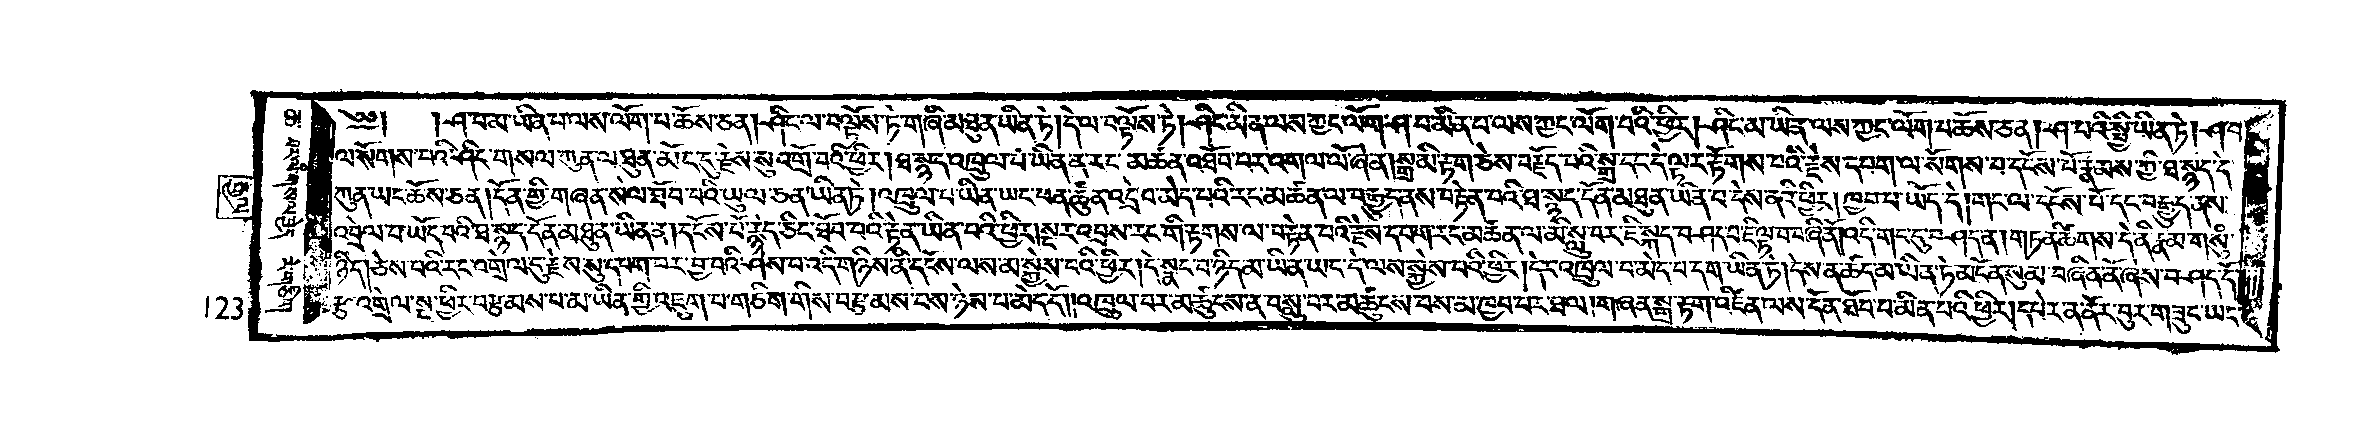༄༅། །ཤ་པ་མ་ཡིན་པ་ལས་ལོག་པ་ཆོས་ཅན། ཤིང་ལ་བལྟོས་ཏེ་གཞི་མཐུན་ཡིན་ཏེ། དེ་ལ་བལྟོས་ཏེ། ཤིང་མིན་ལས་ཀྱང་ལོག་ཤ་པ་མིན་པ་ལས་ཀྱང་ལོག་པའི་ཕྱིར། ཤིང་མ་ཡིན་ལས་ཀྱང་ལོག་པ་ཆོས་ཅན། ཤ་པའི་སྤྱི་ཡིན་ཏེ། ཤིང་
ལ་སོགས་པའི་ཤིང་གསལ་ཀུན་ལ་ཐུན་མོང་དུ་རྗེས་སུ་འགྲོ་བའི་ཕྱིར། ཐ་སྙད་འཁྲུལ་པ་ཡིན་ན་རང་མཚན་འཐོབ་པར་འགལ་ལོ་ཞེ་ན། སྒྲ་མི་རྟག་ཅེས་བརྗོད་པའི་སྒྲ་དང་དེ་ལྟར་རྟོགས་པའི་རྗེས་དཔག་ལ་སོགས་པ་དངོས་པོ་རྣམས་ཀྱི་ཐ་སྙད་དེ་
ཀུན་ཡང་ཆོས་ཅན། དོན་གྱི་གཞན་སེལ་ཐོབ་པའི་ཡུལ་ཅན་ཡིན་ཏེ། འཁྲུལ་པ་ཡིན་ཡང་ཕན་ཚུན་འདྲེ་བ་མེད་པའི་རང་མཚན་ལ་བརྒྱུད་ནས་བརྟེན་པའི་ཐ་སྙད་དོན་མཐུན་ཡིན་པ་དེས་ནའི་ཕྱིར། ཁྱབ་པ་ཡོད་དེ། གང་ལ་དངོས་པོ་དང་བརྒྱུད་ནས་
འབྲེལ་བ་ཡོང་པའི་ཐ་སྙད་དེན་མཐུན་ཡིན་ན། དངོས་པོ་རྙེད་ཅིང་ཐོབ་པའི་རྟེན་ཡིན་པའི་ཕྱིར། སྔར་འབྲས་རང་གི་རྟགས་ལ་བརྟེན་པའི་རྗེས་དཔག་རང་མཚན་ལ་མི་སླུ་བར་ཇི་སྐད་བཤད་བ་ཇི་ལྟ་བ་བཞི་ནོ། འདི་གང་དུ་བཤད་ན། གཏན་ཚིགས་དེ་ནི་རྣམ་གསུཾ་
ཉིད། ཅེས་པའི་རང་འགྲེལ་དུ་རྗེས་སུ་དཔག་པར་བྱ་བའི་ཤེས་པ་འདི་གཉིས་ནི་དངོས་ལས་མ་སྐྱེས་པའི་ཕྱིར། དེ་སྣང་བ་ཉིད་མ་ཡིན་ཡང་དེ་ལས་སྐྱེས་པའི་ཕྱིར། དེར་འཁྲུལ་བ་མེད་པ་དག་ཡིན་ཏེ། དེས་ན་ཚད་མ་ཡིན་ཏེ་མངོན་སུམ་བཞིན་ནོ་ཞེས་བཤད་དོ། །།
རྩ་འགྲེལ་སྔ་ཕྱིར་བརྩམས་པ་མ་ཡིན་གྱི་འཇུག་པ་གཅིག་གིས་བརྩམས་པས་ཉེས་པ་མེད་དོ། །འཁྲུལ་པར་མཚུངས་ན་བསླུ་བར་མཚུངས་བས་མ་ཁྱབ་པར་ཐལ། གཞན་སྒྲ་རྟག་འཛིན་ལས་དོན་ཐོབ་པ་མིན་པའི་ཕྱིར། དཔེར་ན་ནོར་བུར་གཟུང་ཡང་